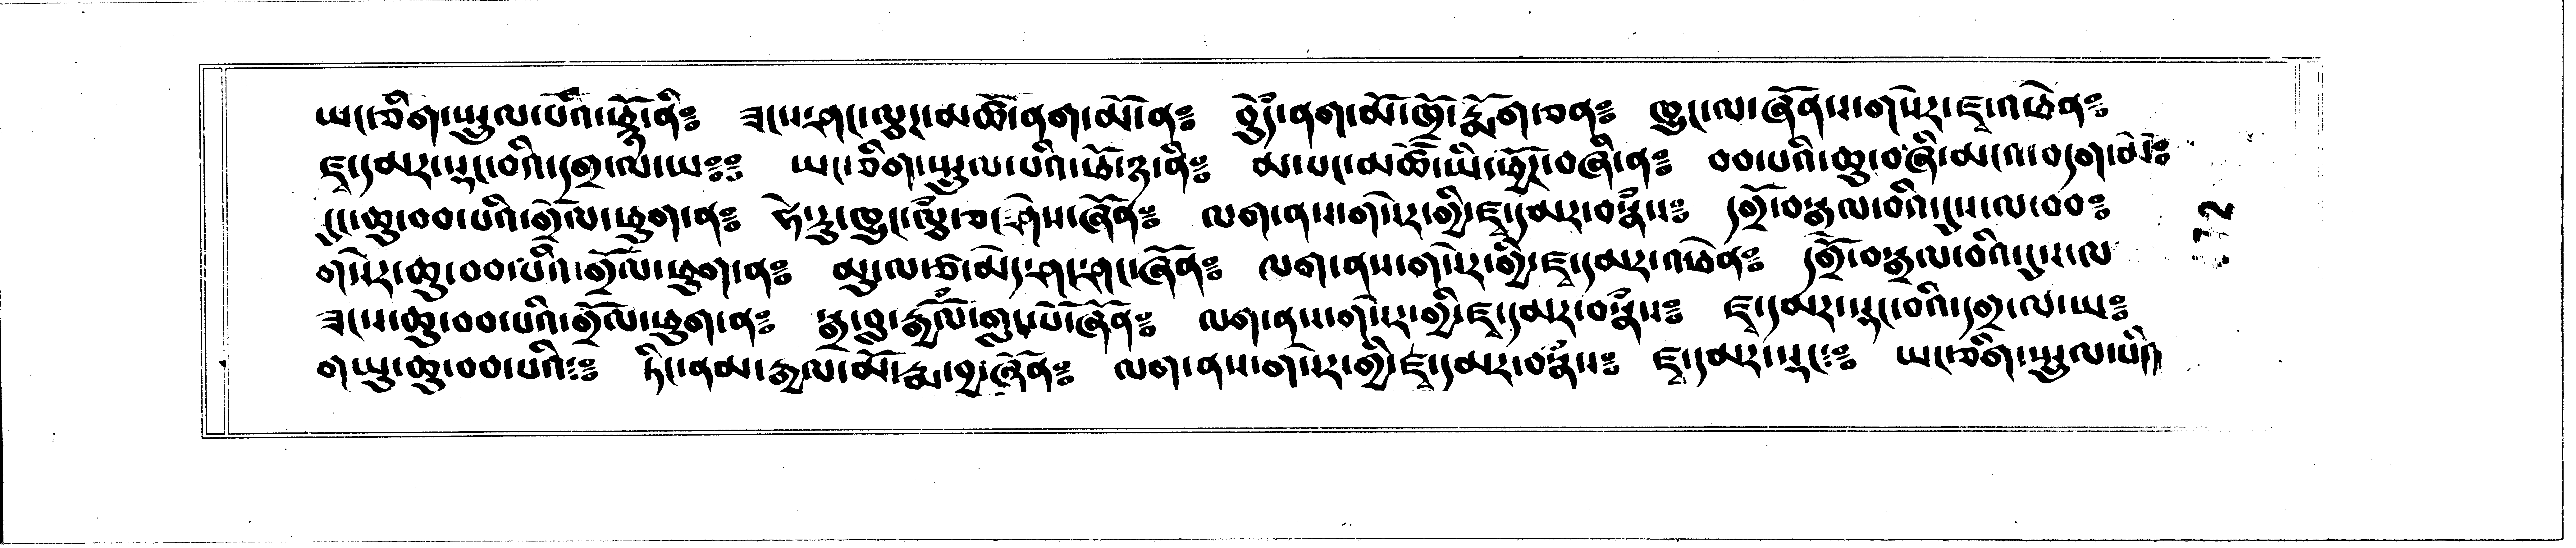ཡང་ཅིག་སྤྲུལ་པའི་ཕོ་ཉ་ནི༔ཟངས་ཤང་ལྕགས་མཚོ་ནག་མོ་ན༔བུད་མེད་ནག་མོ་ཁྲོ་རྨོག་ཅན༔ཁྱུང་ལ་ཞོན་ནས་གསེར་ཛྭ་འཕེན༔
ཛྭ་དམར་སྡང་བའི་དགྲ་ལ་ཡ༔༔ཡང་ཅིག་སྤྲུལ་པའི་ཕོ་ཉ་ནི༔མ་པང་མཚོ་ཡི་ཕྱོགས་བཞི་ན༔བབས་པའི་ཆུ་བཞི་མངའ་བདག་མོ༔
དུང་ཆུ་བབས་པའི་གྲོལ་ཕུག་ན༔ ཧེ་རི་ཁྱུང་ལྕམ་ཅང་ཤེས་ཞོན༔ ལག་ནས་གསེར་གྱི་ཛྭ་དམར་བསྣམས༔ དགྲ་བོ་བསྒྲལ་བའི་དུས་ལ་བབ༔
 དུང་ཆུ་བབས་པའི་གྲོལ་ཕུག་ན༔ མུ་ལ་ཙ་མེད་ཤང་ཤང་ཞོན༔ ལག་ནས་གསེར་གྱི་ཛྭ་དམར་བསྣམས༔ དགྲ་བོ་བསྒྲལ་བའི་དུས་ལ་བབ༔
ཟངས་ཆུ་བབ་པའི་གྲོལ་ཕུག་ན༔ སྒྲ་བླ་རྒྱལ་མོ་གླང་པོ་ཞོན༔ ལག་ནས་གསེར་གྱི་ཛྭ་དམར་བསྣམས༔ ཛྭ་དམར་སྡང་བའི་དགྲ་ལ་ཡ༔ 
གཡུ་ཆུ་བབ་པའི་གྲོལ་ཕུག་ན༔ཏིང་ནམ་རྒྱལ་མོ་རྨ་བྱ་ཞོན༔ལག་ནས་གསེར་གྱི་ཛྭ་དམར་བསྣམས༔ཛྭ་དམར་སྡང་བའི་དགྲ་ལ་ཡ༔ ཡང་ཅིག་སྤྲུལ་པའི་